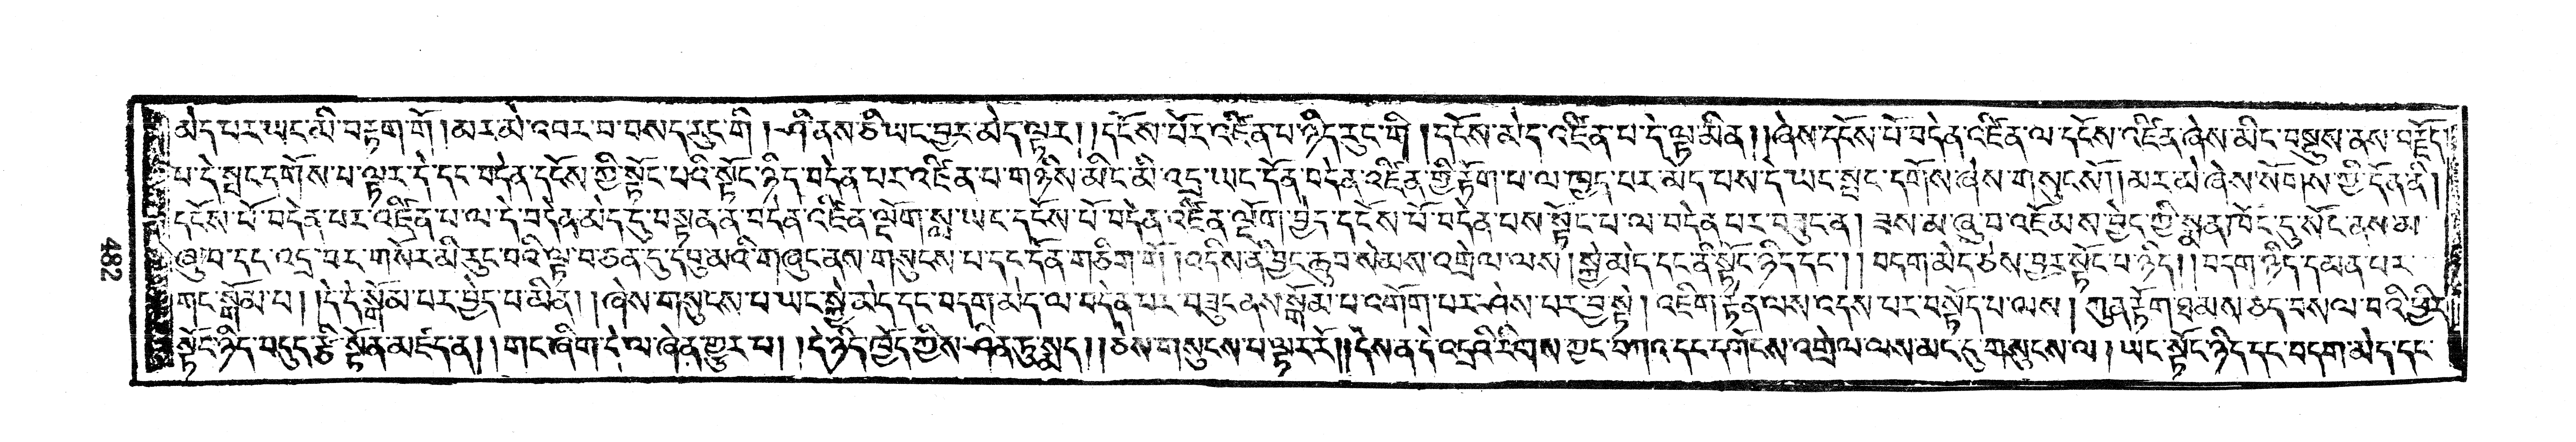མེད་པར་ཡང་མི་བརྟག་གོ །མར་མེ་འབར་བ་བསད་རུང་གི །ཤི་ནས་ཅི་ཡང་བྱར་མེད་ལྟར། །དངོས་པོར་འཛིན་པ་ཉིད་རུང་གི །དངོས་མེད་འཛིན་པ་དེ་ལྟ་མིན། །ཞེས་དངོས་པོ་བདེན་འཛིན་ལ་དངོས་འཛིན་ཞེས་མིང་བསྡུས་ནས་བརྗོད་
པ་དེ་སྤང་དགོས་པ་ལྟར་དེ་དང་བདེན་དངོས་ཀྱི་སྟོང་པའི་སྟོང་ཉིད་བདེན་པར་འཛིན་པ་གཉིས་མིང་མི་འདྲ་ཡང་དོན་བདེན་འཛིན་གྱི་རྟོག་པ་ལ་ཁྱད་པར་མེད་པས་དེ་ཡང་སྤང་དགོས་ཞེས་གསུངས་སོ། །མར་མེ་ཞེས་སོགས་ཀྱི་དོན་ནི།
དངོས་པོ་བདེན་པར་འཛིན་པ་ལ་དེ་བདེན་མེད་དུ་བསྟན་ན་བདེན་འཛིན་ལྡོག་སླ་ཡང་དངོས་པོ་བདེན་འཛིན་ལྡོག་བྱེད་དངོས་པོ་བདེན་པས་སྟོང་པ་ལ་བདེན་པར་བཟུང་ན། ཟས་མ་ཞུ་བ་འཇོམས་བྱེད་ཀྱི་སྨན་ཁོང་དུ་སོང་ནས་མ་
ཞུ་བ་དང་འདྲ་བར་གསོར་མི་རུང་བའི་ལྟ་བ་ཅན་དུ་དབུ་མའི་གཞུང་ནས་གསུངས་པ་དང་དོན་གཅིག་གོ །འདིས་ནི་བྱང་ཆུབ་སེམས་འགྲེལ་ལས། སྐྱེ་མེད་དང་ནི་སྟོང་ཉིད་དང་། །བདག་མེད་ཅེས་བྱར་སྟོང་པ་ཉིད། །བདག་ཉིད་དམན་པར་
གང་སྒོམ་པ། །དེ་དེ་སྒོམ་པར་བྱེད་པ་མིན། །ཞེས་གསུངས་པ་ཡང་སྐྱེ་མེད་དང་བདག་མེད་ལ་བདེན་པར་བཟུང་ནས་སྒོམ་པ་འགོག་པར་ཤེས་པར་བྱ་སྟེ། འཇིག་རྟེན་ལས་འདས་པར་བསྟོད་པ་ལས། ཀུན་རྟོག་ཐམས་ཅད་བསལ་བའི་ཕྱིར། །
སྟོང་ཉིད་བདུད་རྩི་སྟོན་མཛད་ན། །གང་ཞིག་དེ་ལ་ཞེན་གྱུར་པ། །དེ་ཉིད་ཁྱོད་ཀྱིས་ཤིན་ཏུ་སྨད། །ཅེས་གསུངས་པ་ལྟར་རོ། །དེས་ན་དེ་འདྲའི་རིགས་ཀྱང་བཀའ་དང་དགོངས་འགྲེལ་ལས་མང་དུ་གསུངས་ལ། ཡང་སྟོང་ཉིད་དང་བདག་མེད་དང་